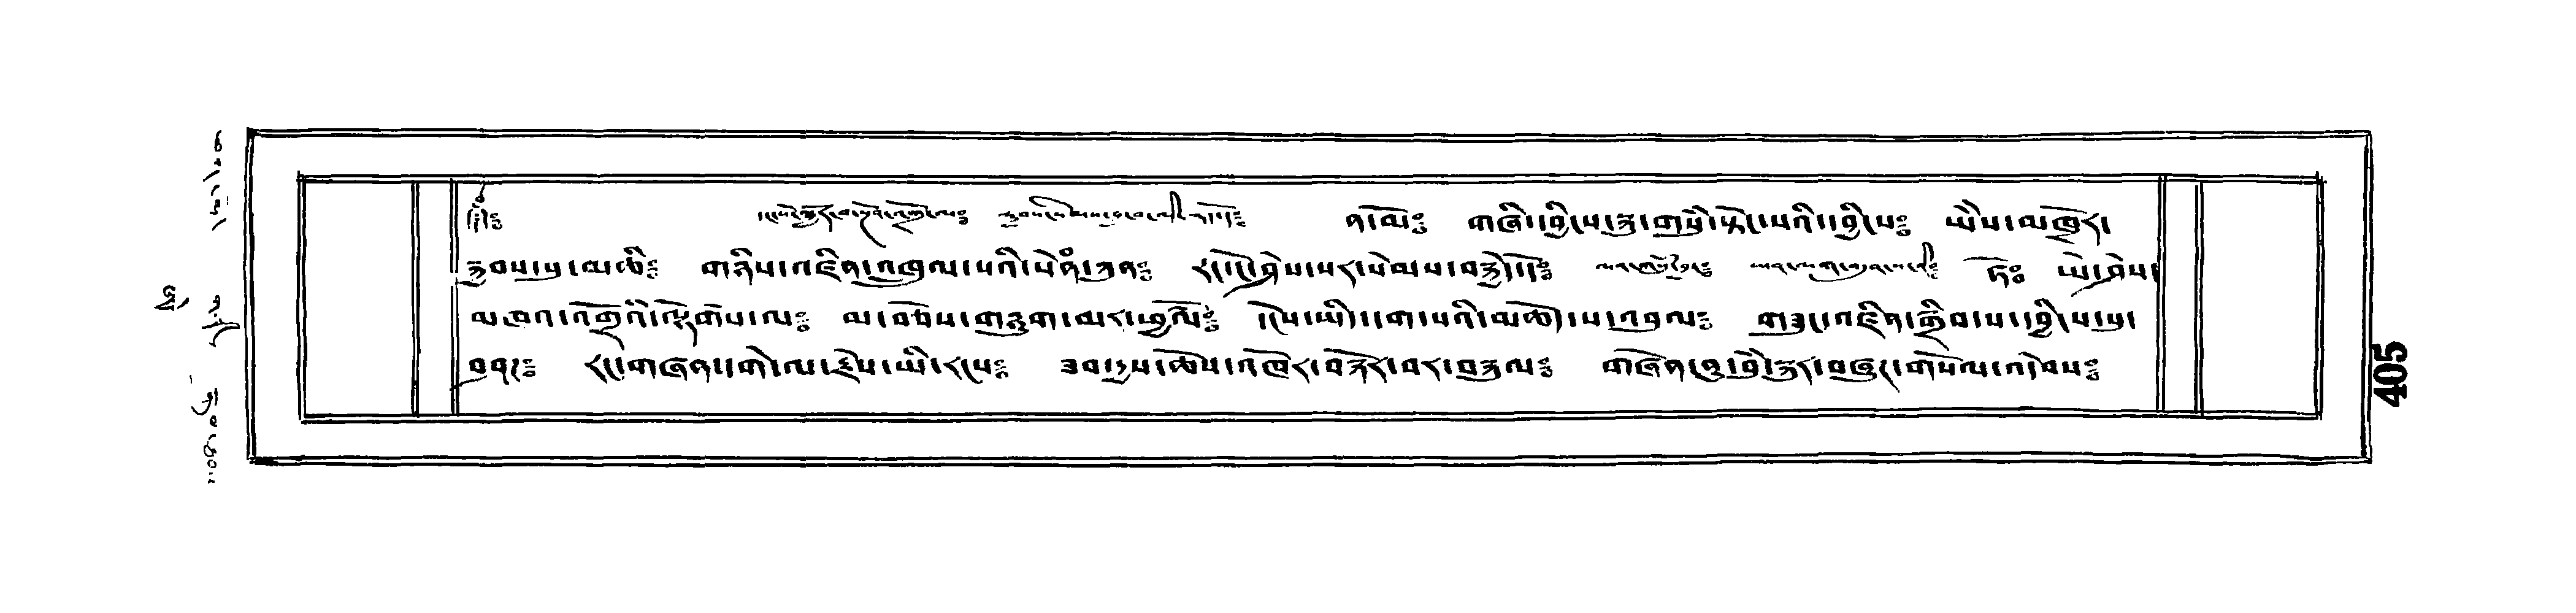དང་པོ་སྦྱོར་བ་སྔོན་འགྲོ་ལ༔ སྐྱབས་སེམས་བྱ་བ་འདི་སྐད་དོ༔ ན་མོ༔ གཞི་དབྱིངས་སྐུ་གསུམ་སྟོང་པའི་དབྱིངས༔ ཡེ་ཤེས་མཁའ་འགྲོར་
སྐྱབས་སུ་མཆི༔ གཉིས་འཛིན་འཁྲུལ་པའི་སེམས་ཅན་ཀུན༔ རང་ངོ་ཤེས་པར་སེམས་བསྐྱེད་དོ༔ ལན་གསུམ་བྱ༔ ཡན་ལག་བདུན་པ་ནི༔ ཧོཿ ཡེ་ཤེས་
མཁའ་འགྲོའི་ལྷ་ཚོགས་ལ༔ མ་བཅོས་གཉུག་མར་ཕྱག་འཚལ་ལོ༔ དངོས་ཡིད་དག་པའི་མཆོད་པ་འབུལ༔ གཟུང་འཛིན་སྒྲིབ་པ་དབྱིངས་སུ་
བཤགས༔ རང་གཞན་དགེ་ལ་རྗེས་ཡི་རངས༔ ཟབ་རྒྱས་ཆོས་འཁོར་བསྐོར་བར་བསྐུལ༔ གཞོན་ནུ་བུམ་སྐུར་བཞུགས་གསོལ་འདེབས༔